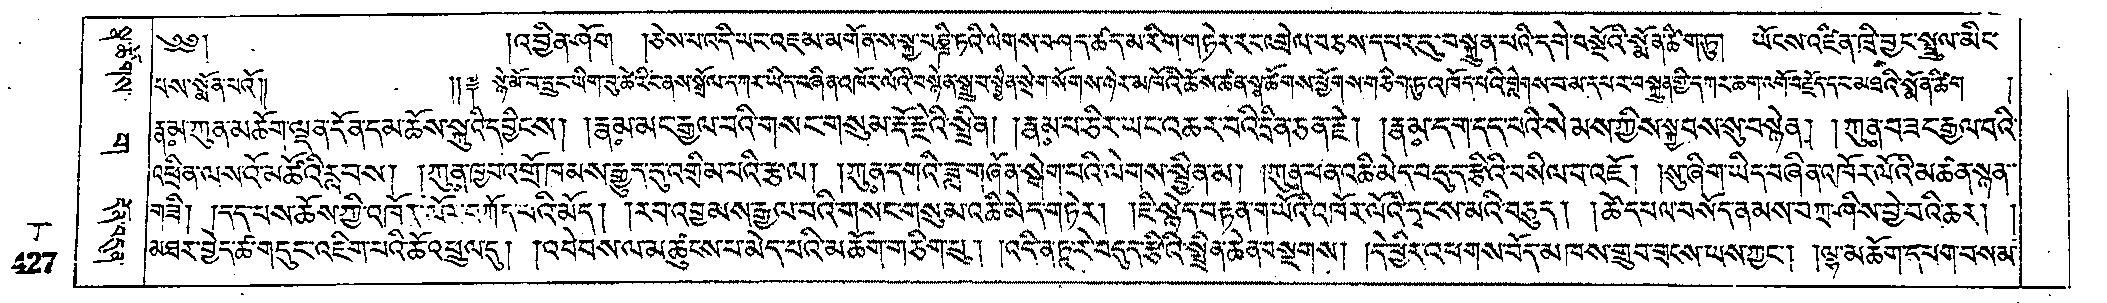༄༅། །འབྱིན་ཤོག །ཅེས་པ་འདི་ཡང་འཇམ་མགོན་ས་སྐྱ་པཎྜི་ཏའི་ལེགས་བཤད་ཚད་མ་རིག་གཏེར་རང་འགྲེལ་བཅས་དཔར་དུ་བསྐྲུན་པའི་དགེ་བསྔོའི་སྨོན་ཚིག་ཏུ། ཡོངས་འཛིན་ཁྲི་བྱང་སྤྲུལ་མིང་
པས་སྨོན་པའོ།། །།འ་སྙེ་མོ་བ་དྲུང་ཡིག་བུ་ཚེ་རིང་ནས་སྒྲོལ་དཀར་ཡིད་བཞིན་འཁོར་ལོའི་བསྙེན་སྒྲུབ་སྦྱིན་སྲེག་སོགས་ཉེར་མཁོའི་ཆོས་ཚན་སྣ་ཚོགས་ཕྱོགས་གཅིག་ཏུ་འཁོད་པའི་གླེགས་བམ་དཔར་བསྐྲུན་གྱི་དཀར་ཆག་འོག་བརྗོད་དང་མཐའི་སྨོན་ཚིག།
རྣམ྾་ཀུན་མཆོག་ལྡན་དོན་དམ་ཆོས་སྐུའི་དབྱིངས། །རྣམ྾་མང་རྒྱལ་བའི་གསང་གསུམ་རྡོ་རྗེའི་སྤྲིན། །རྣམ྾་པ་ཅིར་ཡང་འཆར་བའི་དྲིན་ཅན་རྗེ། །རྣམ྾་དག་དད་པའི་སེམས་ཀྱིས་སྐྱབས་སུ་བསྙེན། །ཀུན྾་བཟང་རྒྱལ་བའི་
འཕྲིན་ལས་འོ་མཚོའི་རླབས། །ཀུན྾་ཁྱབ་འགྲོ་ཁམས་རྒྱུད་དུ་འགྲིམ་པའི་རྩལ། །ཀུན྾་དགའི་ཟླ་གཞོན་སྒེག་པའི་ལེགས་སྦྱིན་མ། །ཀུན྾་ཕན་འཆི་མེད་བུད་རྩིའི་བསེལ་བ་འཇོ། །སུ་ཞིག་ཡིད་བཞིན་འཁོར་ལོའི་མཚན་སྙན་་་
གཟི། །དད་པས་ཆོས་ཀྱི་འཁོར་ལོར་བཀོད་པའི་མོད། །རབ་འབྱབས་རྒྱལ་བའི་གསང་གསུམ་འཆི་མེད་གཏེར། །ཇི་སྙེད་བརྟན་གཡོའི་འཁོར་ལོའི་དྭངས་མའི་བཅུད། །ཚེ་དཔལ་བསོད་ནམས་བཀྲ་ཤིས་བྱེ་བའི་ཆར། །
མཐར་བྱེད་ཚ་གདུང་འཇིག་པའི་ཆོ་འཕྲུལ་དུ། །འབེབས་ལ་མཚུངས་པ་མེད་པའི་མཆོག་གཅིག་པུ། །འདི་ན་ཏཱ་རེ་བདུད་རྩིའི་སྤྲིན་ཆེན་བསྔགས། །དེ་ཕྱིར་འཕགས་བོད་མཁས་གྲུབ་གྲངས་ཡས་ཀྱང་། །ལྷ་མཆོག་དཔག་བསམ་